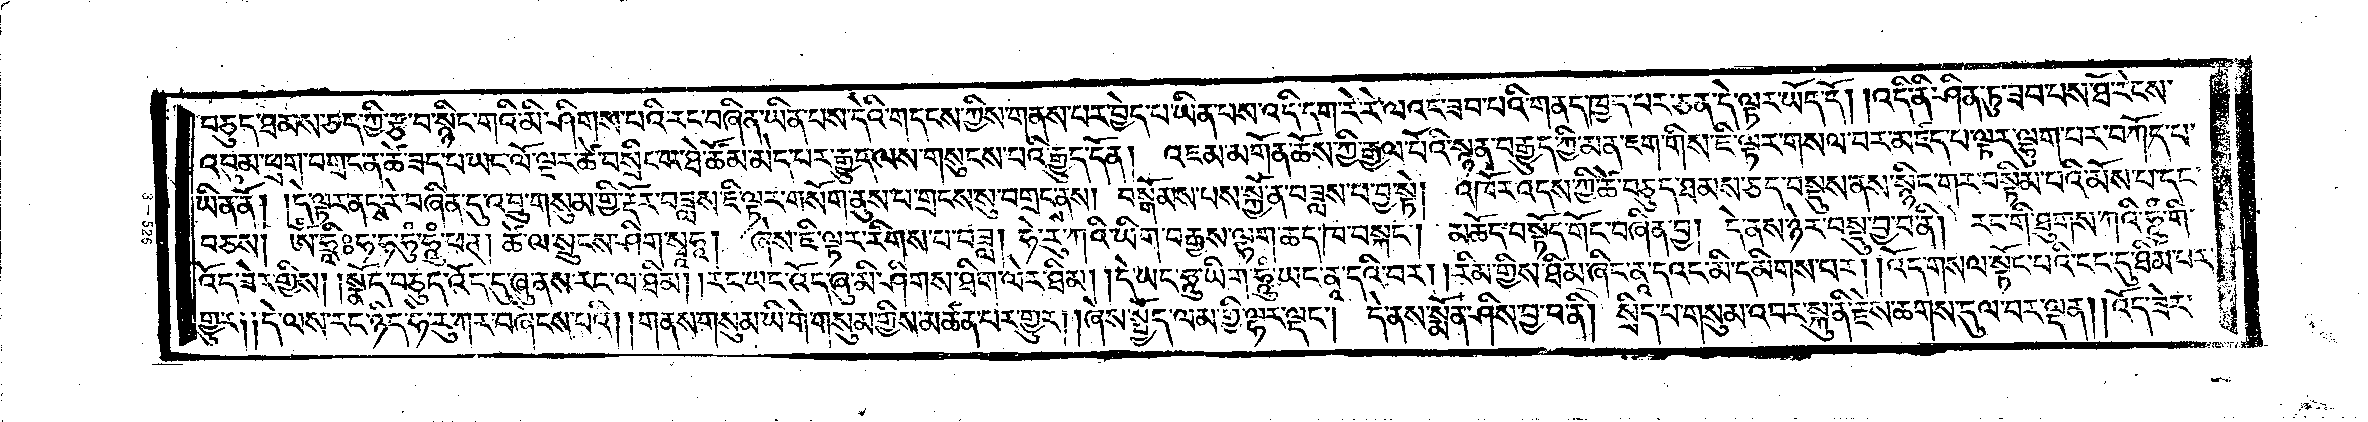བཅུད་ཐམས་ཅད་ཀྱི་རྩ་བ་སྙིང་གའི་མི་ཤིགས་པའི་རང་བཞིན་ཡིན་པས་དེའི་གདངས་ཀྱིས་གནས་པར་བྱེད་པ་ཡིན་པས་འདི་དག་རེ་རེ་ལའང་ཟབ་པའི་གནད་ཁྱད་པར་ཅན་དེ་ལྟར་ཡོད་དོ། །འདི་ནི་ཤིན་ཏུ་ཟབ་པས་ཐོ་རེངས་
འབུམ་ཕྲག་བགྲང་ན་ཚེ་ཟད་པ་ཡང་ལོ་ལྔར་ཚེ་བསྲིང་བར་ཐེ་ཚོམ་མེད་པར་རྒྱུད་ལས་གསུངས་པའི་རྒྱུད་དོན། འཇམ་མགོན་ཆོས་ཀྱི་རྒྱལ་པོའི་སྙན་བརྒྱུད་ཀྱི་མན་ངག་གིས་ཇི་ལྟར་གསལ་བར་མཛད་པ་ལྟར་ལྷུག་པར་བཀོད་པ་
ཡིན་ནོ། །དེ་ལྟར་ནངས་རེ་བཞིན་དུ་འབྲུ་གསུམ་གྱི་རྡོར་བཟླས་ཇི་ལྟར་གསོག་ནུས་པ་གྲངས་སུ་བགྲངས་ནས། བསྒོམས་པས་སྐྱོན་བཟླས་པ་བྱ་སྟེ། འཁོར་འདས་ཀྱི་ཚེ་བཅུད་ཐམས་ཅད་བསྡུས་ནས་སྙིང་གར་བསྟིམ་པའི་མོས་པ་དང་
བཅས། ཨོཾ་ཧྲཱིཿཧ་ཧ་ཧུཾ་ཧཱུཾ་ཕཊ། ཚེ་ལ་སྲུངས་ཤིག་སྭཱཧཱ། ཞེས་ཇི་ལྟར་རིགས་པ་བཟླ། ཧེ་རུ་ཀའི་ཡིག་བརྒྱས་ལྷག་ཆད་ཁ་བསྐང་། མཆོད་བསྟོད་གོང་བཞིན་བྱ། དེ་ནས་ཉེར་བསྡུ་བྱ་བ་ནི། རང་གི་ཐུགས་ཀའི་ཧཱུཾ་གི་
འོད་ཟེར་གྱིས། །སྣོད་བཅུད་འོད་དུ་ཞུ་ནས་རང་ལ་ཐིམ། །རང་ཡང་འོད་ཞུ་མི་ཤིགས་ཐིག་ལེར་ཐིམ། །དེ་ཡང་ཧཱུཾ་ཡིག་ཧཱུཾ་ཡང་ནཱ་དའི་བར། །རིམ་གྱིས་ཐིམ་ཞིང་ནཱ་དའང་མི་དམིགས་པར། །འོད་གསལ་སྟོང་པའི་ངང་དུ་ཐིམ་པར་
གྱུར༑ ༑དེ་ལས་རང་ཉིད་ཧེ་རུ་ཀར་བཞེངས་པའི། །གནས་གསུམ་ཡི་གེ་གསུམ་གྱིས་མཚན་པར་གྱུར། །ཞེས་སྤྱོད་ལམ་གྱི་ལྷར་ལྡང་། དེ་ནས་སྨོན་ཤིས་བྱ་བ་ནི། སྲིད་པ་གསུམ་འབར་སྐུ་ནི་རྗེས་ཆགས་དུལ་བར་ལྡན། །འོད་ཟེར་